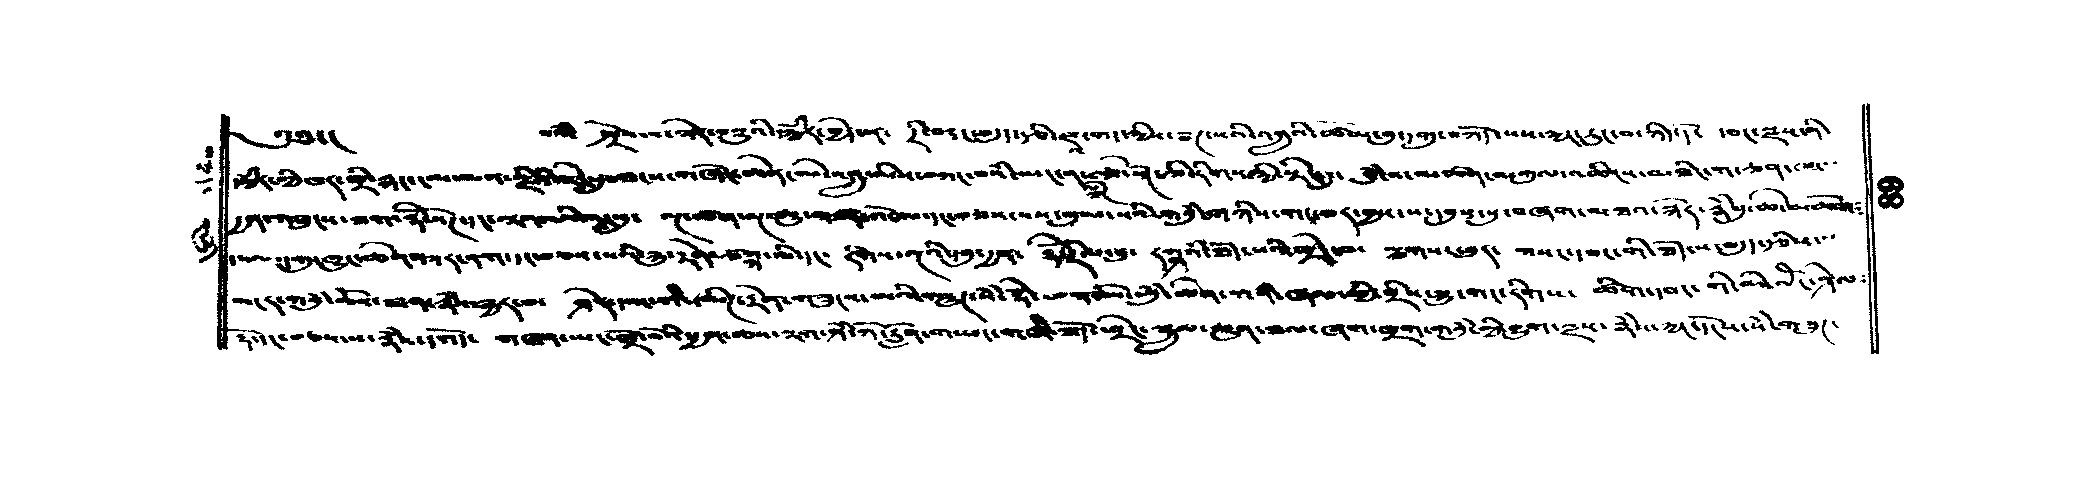བའལ། སྤྲོས་པ་ཉེར་བསྡུའི་དཀྱིལ་འཁོར་བྱེད་ན། དྲི་བཟང་བདུད་རྩི་ཛཱ་གད་ཀྱིས་སྦགས་པའི་འགྲུབ་བའི་ཚོམ་བུ་དགུ་བཀོད་པས་ཀྱང་རུང་བ་ཉིད་དོ། དབང་རྫས་ནི་
དཀྱིལ་འཁོར་གྱི་ཁར་ཁྲི་རྐང་ངམ་མན་རྗིའི་སྟེང་དུ་ཟངས་གཞོང་ཆེན་མེ་འབྲུ་མིས་བཀང་བའམ་ཡག་ན་ལྕེགས་རྩེ་སོགས་ཅི་རིགས་ཀྱི་སྟེང་དུ། བུམ་པ་མཚན་མགུལ་འཆིངས་མཐིང་ག་ཅན་ས་
རྒྱན་གཟུངས་ཐག་རྡོ་རྗེ་སོགས་དང་ལྡན་་་་་ལྔ་ཚན་ལྔ་ཆུ་་་་་དང་བཅས་པས་བུམ་པའི་གསུམ་གནིས་གང་བར་དབྱས་པ་དབུས་སུ་བཞག་མཐའ་སྐོར་རྣམས་སུ་ཆེ་མཆོག་
དཔལ་དགུ་ཁྱུང་ཆེན་དཀར་ནག་དང་བཅས་པའི་སྐུ་རྟེན་ཙཀྐ་མེད་དང་། རིགས་ལྔའི་དབུ་རྒྱན། རྡོ་རྗེ་དྲིལ་བུ། རཀྴའམ་ཐོས་པའི་ཁྲིད་ལ། ལྕགས་ཕུར། གསང་དབང་གི་ཐོད་པ་བདུད་རྩིས་
མངར་གསུམ་ཆོས་སྨན་རྣམས་སྦྱར་བ། ཤེན་དག་གི་དམིགས་རྟེན་གཟུངས་མའི་གཟུགས་སམ་རྡོ་རྗེ་བག་མེ་སུམ་ཆེན་གནམ་ཞལ་གྱི་བྲིས་སྐུ་གང་རིགས། ཚིག་དབང་གི་མེ་ལོ་ཤེལ་
རྡོ་དང་བཅས་པ་རྣམས་དགོད། གཞན་ཡང་ཁྲོ་བོའི་རྒྱན་ཆས་སྟག་ཤམ་ཀོ་རློན་གཡང་གཞི་ཐོད་ཕྲེང་སྦྲུལ་ཆུན་ཐལ་ཞག་ཁྲག་གསུམ་གྱི་བྱུག་རྫས་རྣམས་ཀྱང་དངོས་སམ་གཟུགས་